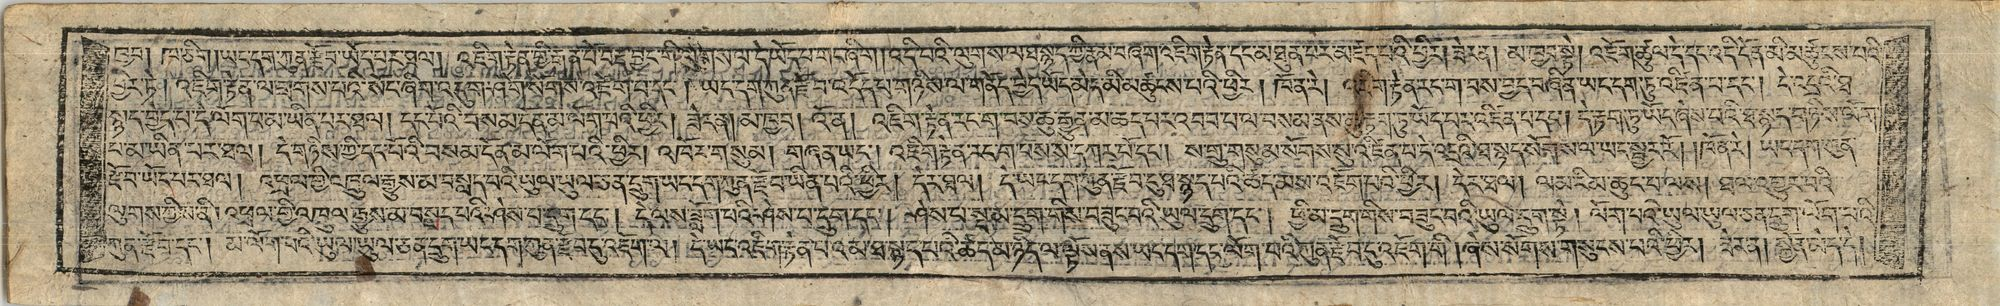ཁྱབ། ཁ་ཅིག །ཡང་དག་ཀུན་རྫོབ་ཡོད་པར་ཐལ། འཇིག་རྟེན་གྱི་རྒན་པོ་བརྡ་བྱང་གི་ལུགས་ལ་དེ་ཡོད་པ་གང་ཞིག །འདི་པའི་ལུགས་ལ་ཐ་སྙད་ཀྱི་རྣམ་བཞག་འཇིག་རྟེན་དང་མཐུན་པར་མཛད་པའི་ཕྱིར། ཟེར་ན། མ་ཁྱབ་སྟེ། འཇོག་ཚུལ་དེ་དང་འདི་དོན་མི་མཚུངས་པའི་
ཕྱིར་ཏེ། འཇིག་རྟེན་ལ་གྲགས་པའི་སོང་ཞིག་འདུག་ཤིག་སོགས་འཇོག་པ་དང་། ཡང་དག་ཀུན་རྫོབ་འདོད་པ་གཉིས་ལ་གནོད་བྱེད་ཡོད་མེད་མི་མཚུངས་པའི་ཕྱིར། ཁོ་ན་རེ། འཇིག་རྟེན་རང་ག་བས་བྱད་བཞིན་ཡང་དག་ཏུ་འཛིན་པ་དང་། དེ་འདྲའི་ཐ་
སྙད་བྱེད་པ་དེ་ལོག་པ་མ་ཡིན་པར་ཐལ། དང་པོའི་བསམ་དོན་མ་ལོག་པའི་ཕྱིར། ཟེར་ན། མ་ཁྱབ། འོ་ན། འཇིག་རྟེན་རང་ག་བས་ཆུ་རྒྱུན་མ་ཆད་པར་འབབ་པ་ལ་བསམ་ནས་ཆུ་རྟག་ཏུ་ཡོད་པར་འཛིན་པ་དང་། དེ་རྟག་ཏུ་ཡོད་ཞེས་པའི་ཐ་སྙད་གཉིས་ལོག་
པ་མ་ཡིན་པར་ཐལ། དེ་གཉིས་ཀྱི་དང་པོའི་བསམ་དོན་མ་ལོག་པའི་ཕྱིར། འཁོར་གསུམ། གཞན་ཡང་། འཇིག་རྟེན་རང་ག་བས་ས་དཀར་པོ་དང་། ས་གྲུ་གསུམ་སོགས་སུ་འཛིན་པ་དེ་འདྲའི་ཐ་སྙད་སོགས་ལ་ཡང་སྦྱར་རོ། །ཁོ་ན་རེ། ཡང་དག་ཀུན་
རྫོབ་ཡོད་པར་ཐལ། འཕྲལ་གྱི་འཁྲུལ་རྒྱུས་མ་བསླད་པའི་ཡུལ་ཡུལ་ཅན་དྲུག་ཡང་དག་ཀུན་རྫོབ་ཡིན་པའི་ཕྱིར། དེར་ཐལ། དེ་ཡང་དག་ཀུན་རྫོབ་ཏུ་ཐ་སྙད་པའི་ཚད་མས་འཇོག་པའི་ཕྱིར། དེར་ཐལ། ལམ་རིམ་ཆུང་པ་ལས། ཐལ་འགྱུར་བའི་
ལུགས་ཀྱིས་ནི། འཕྲལ་གྱི་འཁྲུལ་རྒྱུས་མ་བསླད་པའི་ཤེས་པ་དྲུག་དང་། དེ་ལས་ཟློག་པའི་ཤེས་པ་དྲུག་དང་། ཤེས་པ་སྔ་མ་དྲུག་གིས་བཟུང་བའི་ཡུལ་དྲུག་དང་། ཕྱི་མ་དྲུག་གིས་བཟུང་བའི་ཡུལ་དྲུག་སྟེ། ལོག་པའི་ཡུལ་ཡུལ་ཅན་དྲུག་ལོག་པའི་
ཀུན་རྫོབ་དང་། མ་ལོག་པའི་ཡུལ་ཡུལ་ཅན་དྲུག་ཡང་དག་ཀུན་རྫོབ་དུ་འཇོག་ལ། དེ་ཡང་འཇིག་རྟེན་པ་འམ་ཐ་སྙད་པའི་ཚད་མ་ཉིད་ལ་ལྟོས་ནས་ཡང་དག་དང་ལོག་པའི་ཀུན་རྫོབ་དུ་འཇོག་གི །ཞེས་སོགས་གསུངས་པའི་ཕྱིར། ཟེར་ན། སྐྱོན་མེད་དེ།